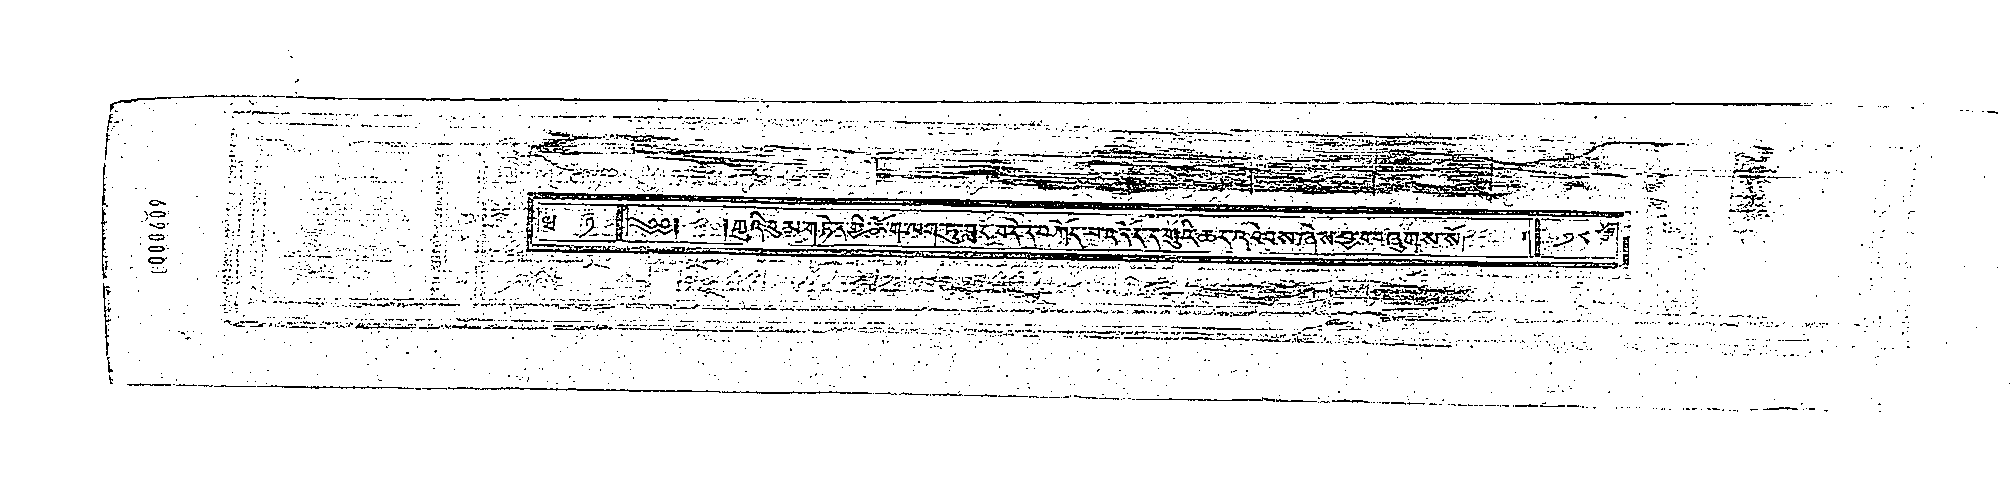ང༩༠?
༄༅། །ཀླུའི་བུམ་གཏེར་གྱི་ཆོ་ག་ལག་ཏུ་བླང་བདེར་བཀོད་པ་འདོད་དགུའི་ཆར་འབེབས་ཞེས་བྱ་བ་བཞུགས་སོ། །